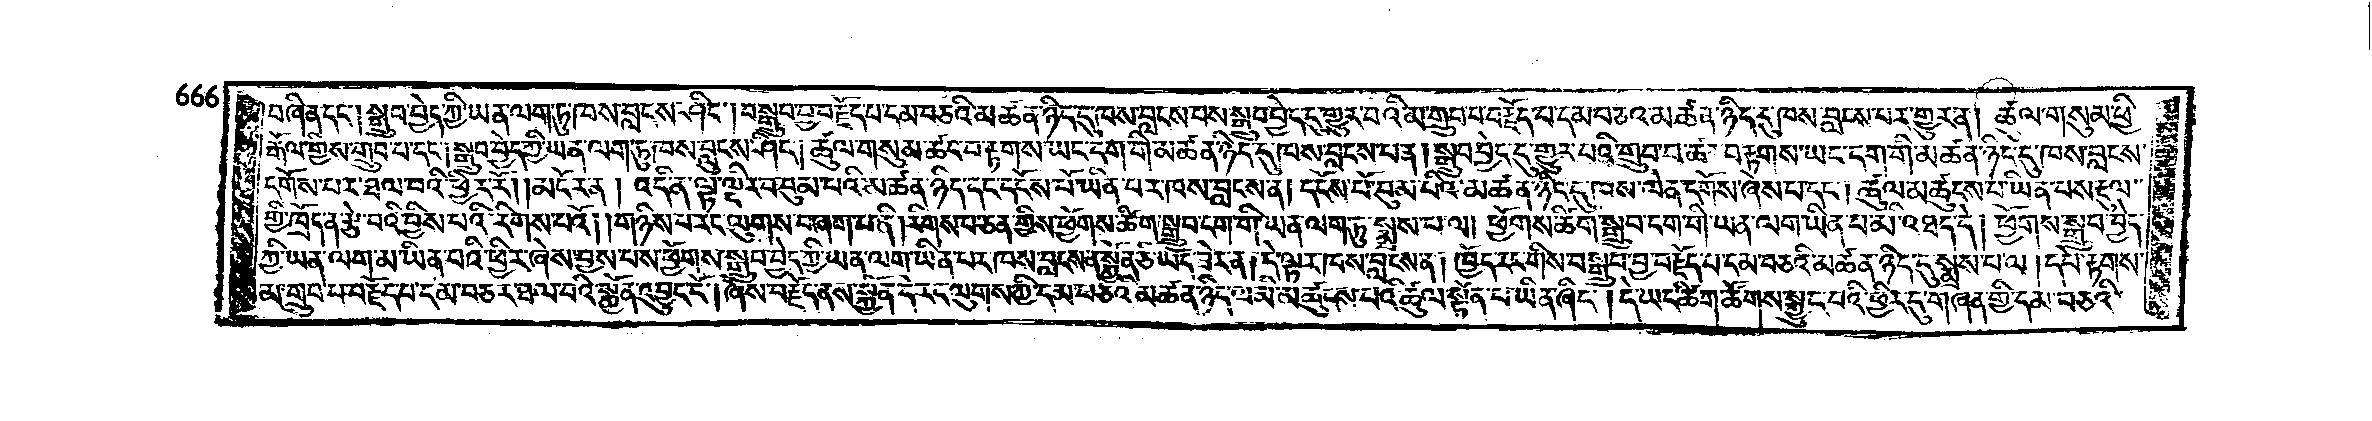བཞིན་དང་། སྒྲུབ་བྱེད་ཀྱི་ཡན་ལག་ཏུ་ཁས་བླངས་ཤིང་། བསྒྲུབ་བྱ་བརྗོད་པ་དམ་བཅའི་མཚན་ཉིད་དུ་ཁས་བླངས་པས་སྒྲུབ་བྱེད་དུ་གྱུར་བའི་མ་གྲུབ་པ་བརྗོད་པ་དམ་བཅའ་མཚན་ཉིད་དུ་ཁས་བླངས་པར་གྱུར་ན། ཚུལ་གསུམ་ཕྱི་
རྒོལ་གྱིས་གྲུབ་པ་དང་། སྒྲུབ་བྱེད་ཀྱི་ཡན་ལག་ཏུ་ཁས་བླུངས་ཤིང་། ཚུལ་གསུམ་ཚང་བ་རྟགས་ཡང་དག་གི་མཚན་ཉིད་དུ་ཁས་བླངས་པ་ན། སྒྲུབ་བྱེད་དུ་གྱུར་བའི་གྲུབ་པ་ཚང་བ་རྟགས་ཡང་དག་གི་མཚན་ཉིད་དུ་ཁས་བླངས་
དགོས་པར་ཐལ་བའི་ཕྱིར་རོ། །མདོར་ན། འདི་ན་ལྟོ་ལྡིར་བ་བུམ་པའི་མཚན་ཉིད་དང་དངོས་པོ་ཡིན་པར་ཁས་བླངས་ན། དངོས་པོ་བུམ་པའི་མཚན་ཉིད་དུ་ཁས་ལེན་དགོས་ཞེས་པ་དང་། ཚུལ་མཚུངས་པ་ཡིན་པས་རྡུལ་
གྱི་ཁྲོད་ན་རྩེ་བའི་བྱིས་པའི་རིགས་པའོ། །གཉིས་པ་རང་ལུགས་བཞག་པ་ནི། རིགས་པ་ཅན་གྱིས་ཕྱོགས་ཚིག་སྒྲུབ་ངག་གི་ཡན་ལག་ཏུ་སྨྲས་པ་ལ། ཕྱོགས་ཚིག་སྒྲུབ་ངག་གི་ཡན་ལག་ཡིན་པ་མི་འཐད་དེ། ཕྱོགས་སྒྲུབ་བྱེད་
ཀྱི་ཡན་ལག་མ་ཡིན་པའི་ཕྱིར་ཞེས་བྱས་པས་ཕྱོགས་སྒྲུབ་བྱེད་ཀྱི་ཡན་ལག་ཡིན་པར་ཁས་བླངས་ན་སྐྱོན་ཅི་ཡོད་ཟེར་ན། དེ་ལྟར་ཁས་བླངས་ན། ཁྱོད་རང་གིས་བསྒྲུབ་བྱ་བརྗོད་པ་དམ་བཅའི་མཚན་ཉིད་དུ་སྨྲས་པ་ལ། དཔེ་རྟགས་
མ་གྲུབ་པ་བརྗོད་པ་དམ་བཅར་ཐལ་བའི་སྐྱོན་འབྱུང་ངོ། ཞེས་བརྗོད་ནས་སྐྱོན་དེ་རང་ལུགས་ཀྱི་དམ་བཅའི་མཚན་ཉིད་ལ་མི་མཚུངས་པའི་ཚུལ་སྟོན་པ་ཡིན་ཞིང་། དེ་ཡང་ཚིག་ཚོགས་སྐྱུང་བའི་ཕྱིར་དུ་གཞན་གྱི་དམ་བཅའི་